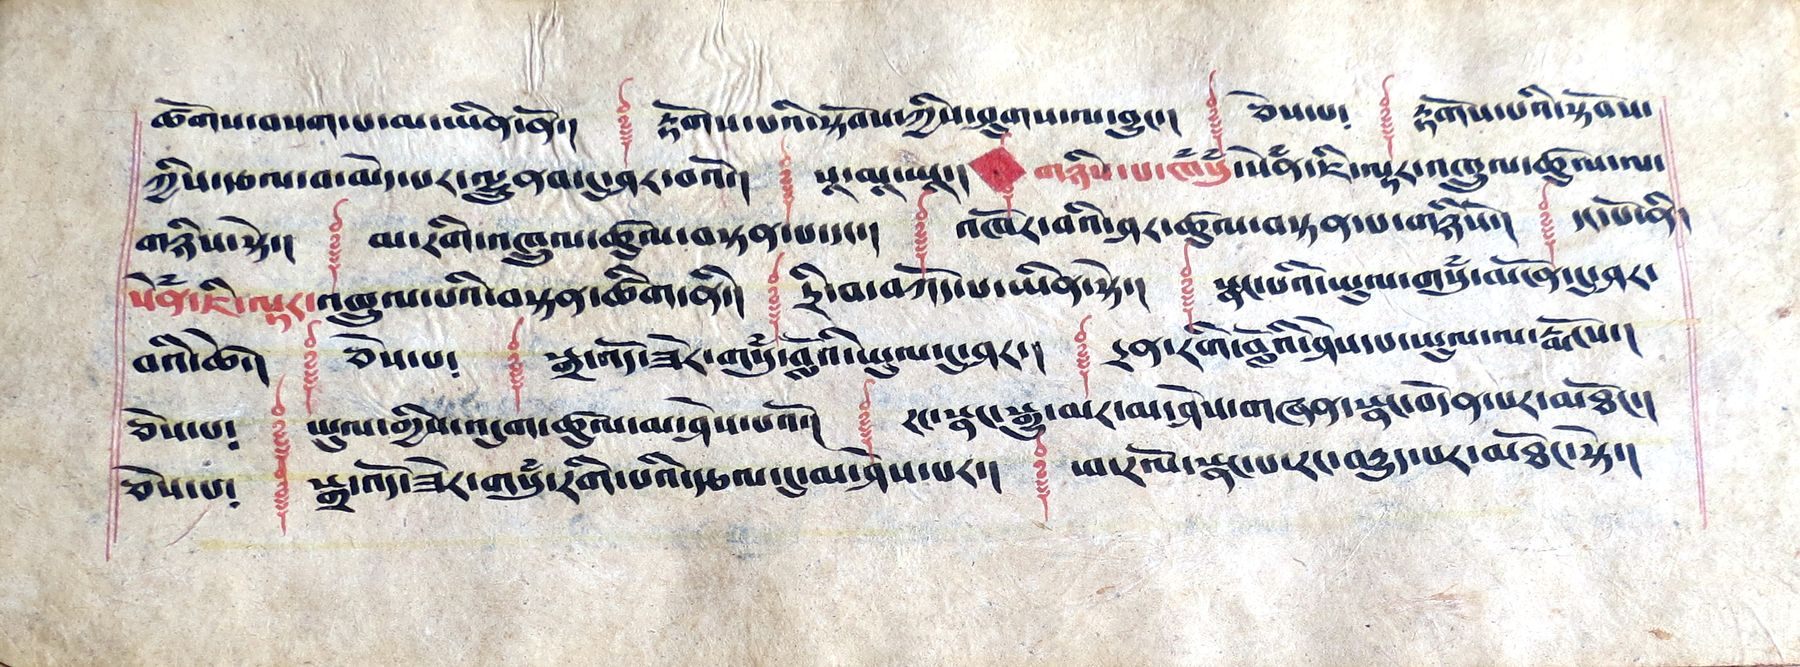ཚོགས་བསགས་པ་མ་ཡིན་ནོ། །རྟོགས་པའི་སྟོབས་ཀྱིས་ཤུགས་ལས་བྱུང་། །ཞེས་པས། རྟོགས་པའི་སྟོབས་
ཀྱིས་རྩོལ་བ་མེད་པར་ལྷུན་གྲུབ་ཏུ་ཤར་བའོ། ། ས་མ་ཡ། གཉིས་པ་ཁམས་གསུམ་སེམས་ཅན་ཇི་ལྟར་འཁྲུལ་ཚུལ་ལ་
གཉིས་ཏེ། མ་རིག་འཁྲུལ་ཚུལ་བསྟན་པ་དང་། འཁོར་བའི་ཤར་ཚུལ་བསྟན་པ་གཉིས་སོ། །དང་པོ་ནི། 
སེམས་ཅན་ཇི་ལྟར་འཁྲུལ་པའི་གཏན་ཚིགས་ནི། །ཞེས་པས། དྲི་བ་བཀོད་པ་ཡིན་ནོ། །སྣང་བའི་ཡུལ་གསུམ་མངོན་དུ་ཤར་
བའི་ཚེ། །ཞེས་པས། སྒྲ་འོད་ཟེར་གསུམ་བློའི་ཡུལ་དུ་ཤར། དྲན་རིག་བློ་ཡི་ཤེས་པ་ཡུལ་རྨོངས་
ཞེས་པས། ཡུལ་གྱི་འདུག་ཚུལ་མ་ཤེས་པའོ། །རང་སྣང་སྒྱུ་མར་མ་ཤེས་གཞན་སྣང་བདེན་པར་མཐོང་། །
ཞེས་པས། སྒྲ་འོད་ཟེར་གསུམ་རིག་པའི་རྩལ་ཏུ་མ་ཤེས་པར། ཕ་རོལ་སྣང་བ་རང་བརྒྱུད་པར་མཐོང་སྟེ།